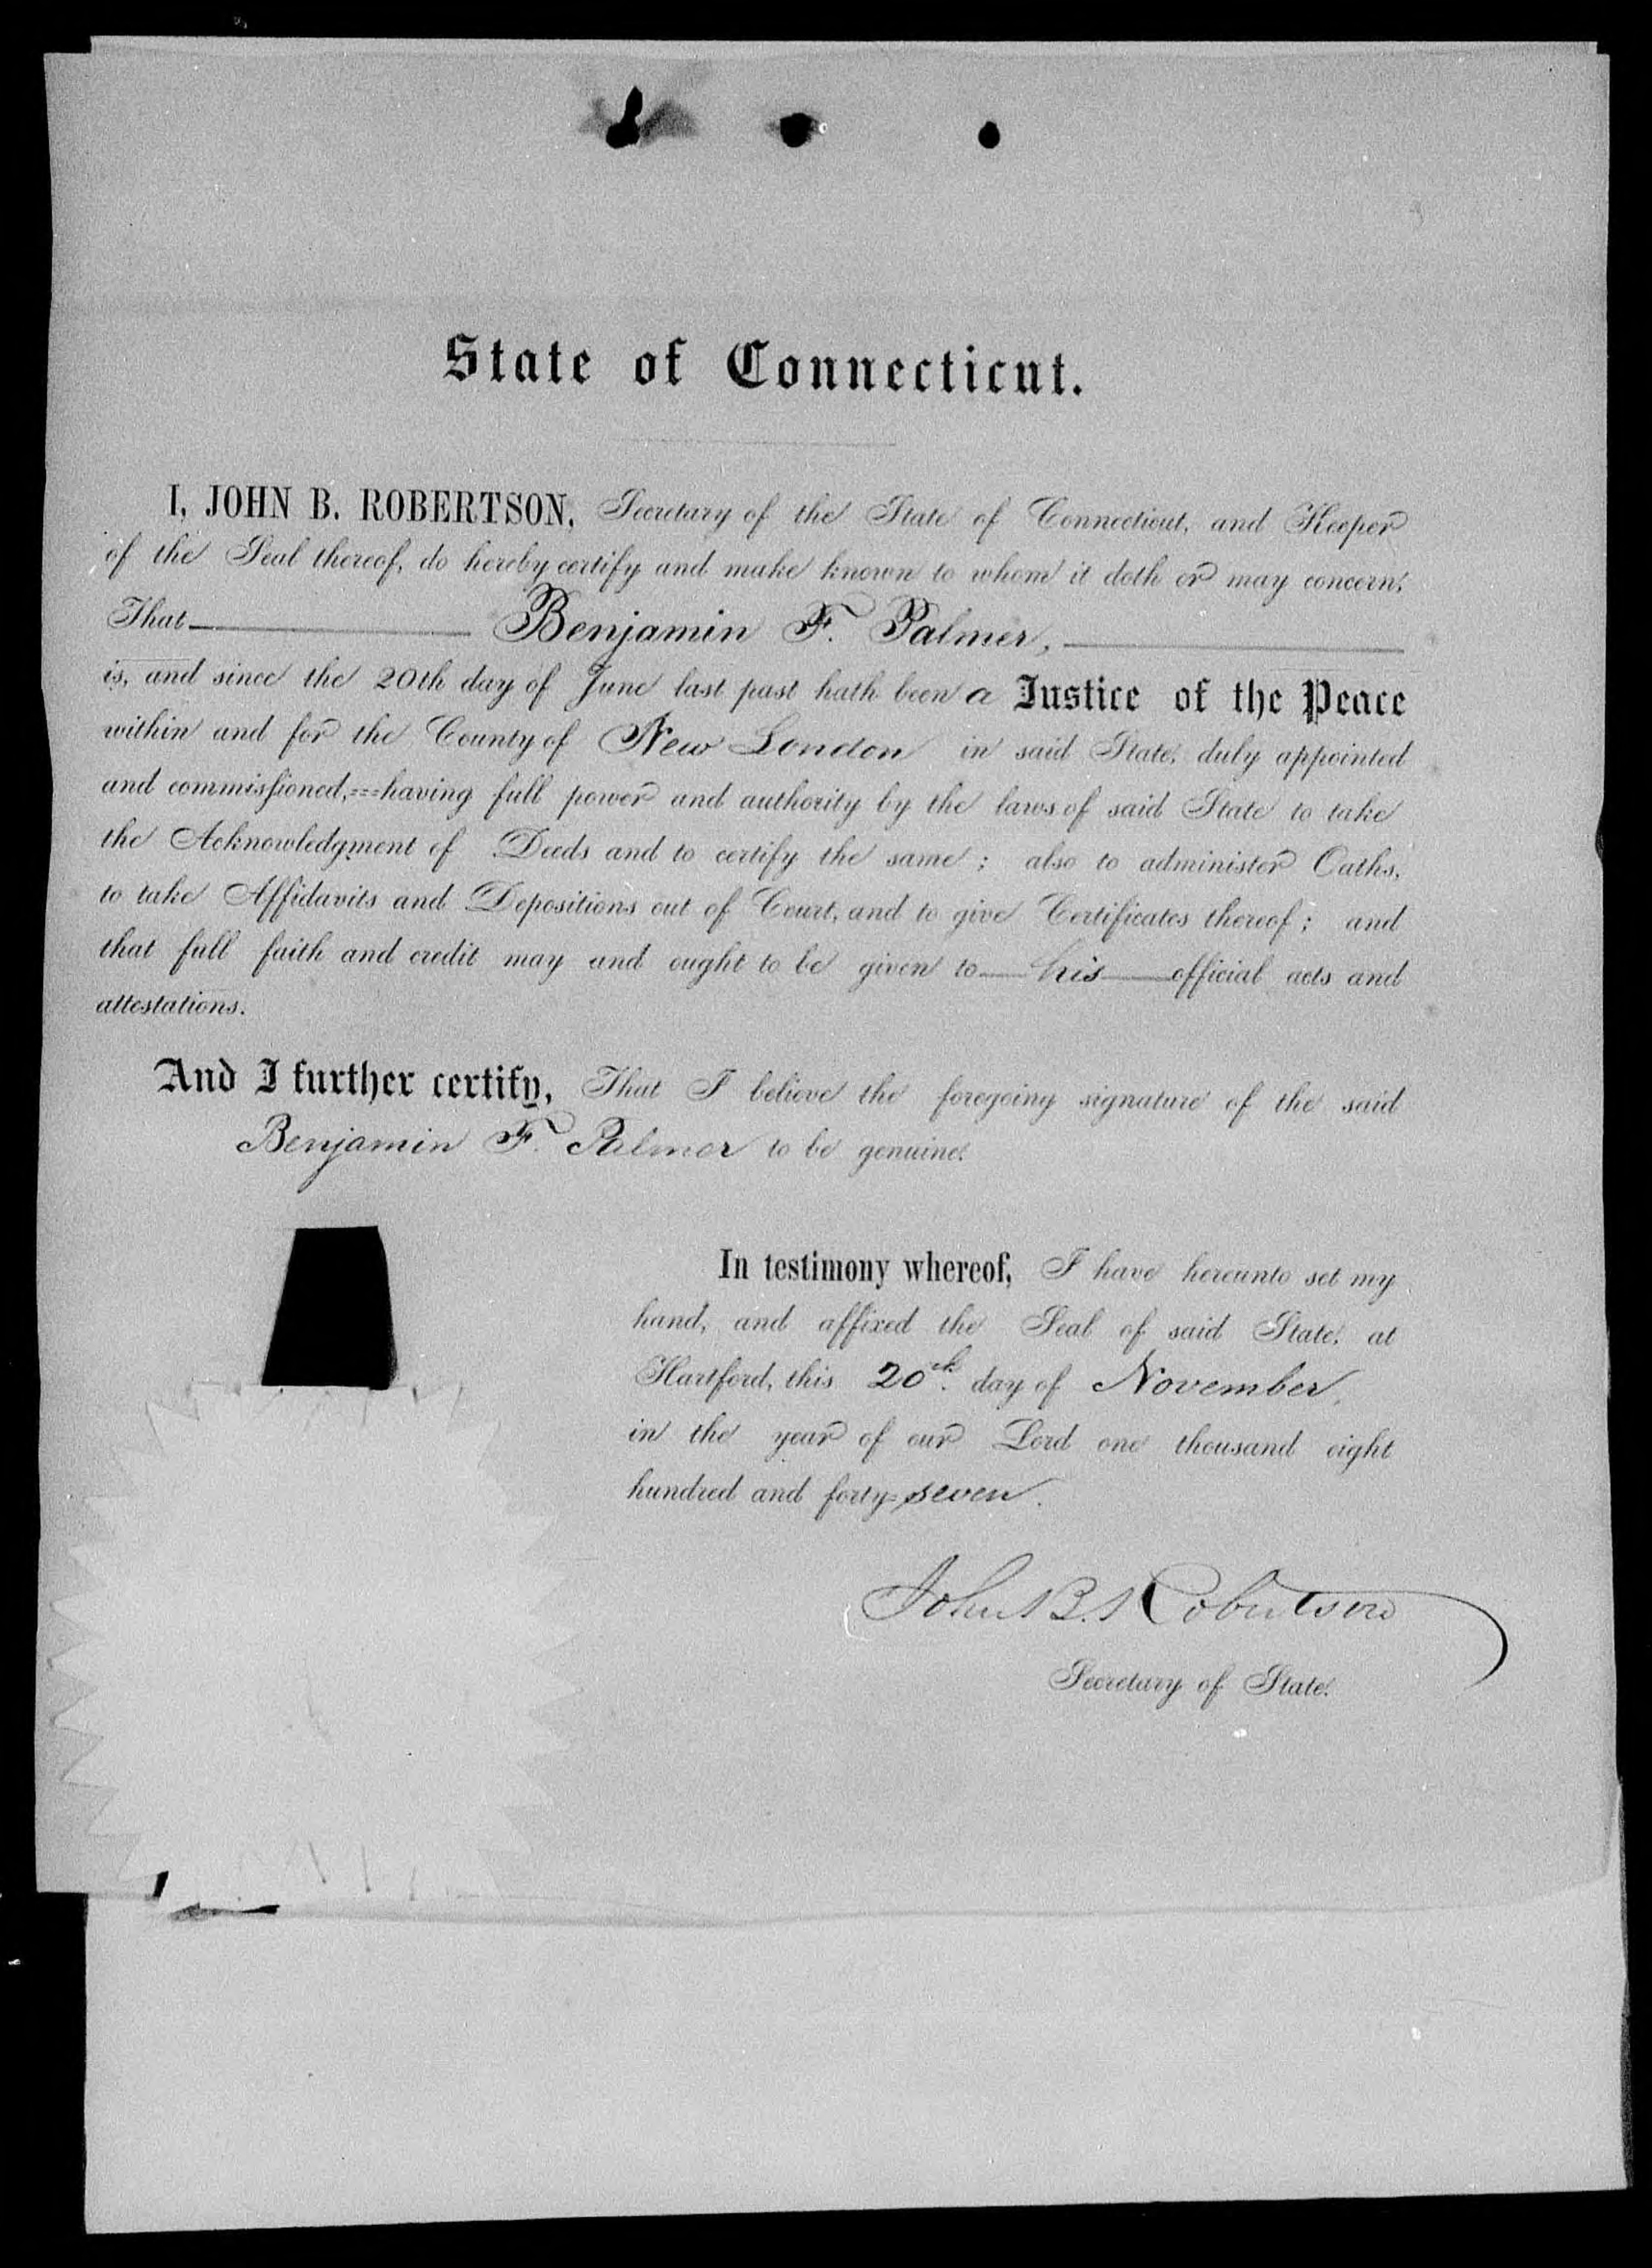State of Connecticut
I, John B. Robertson, Secretary of the State of Connecticut and Keeper of the Seal thereof, do hereby certify and make known to whom it doth or may concern that Benjamin F. Palmer is and since the 20th day of June last past hath been a Justice of the Peace within and for the County of New London in said State duly appointed and commissioned having full power and authority by the laws of said State to take the Acknowledgment of Deeds and to certify the same: also to administer Oaths, to take Affidavits and Depositions out of Court, and to give Certificates thereof: and that full faith and credit may and ought to be given to his official acts and attestations. 
And I further certify that I believe the foregoing signature of the said Benjamin F. Palmer to be genuine.
In testimony whereof, I have hereunto set my hand and affixed the seal of said State at Hartford this 20th day of November in the year of our Lord one thousand eight hundred and forty-seven. John B. Robertson, Secretary of State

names: John B Robertson, John B Robertson, Benjamin F Palmer, Benjamin F Palmer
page: 16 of 40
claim: rejected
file: R. 4251, John Green, Conn.